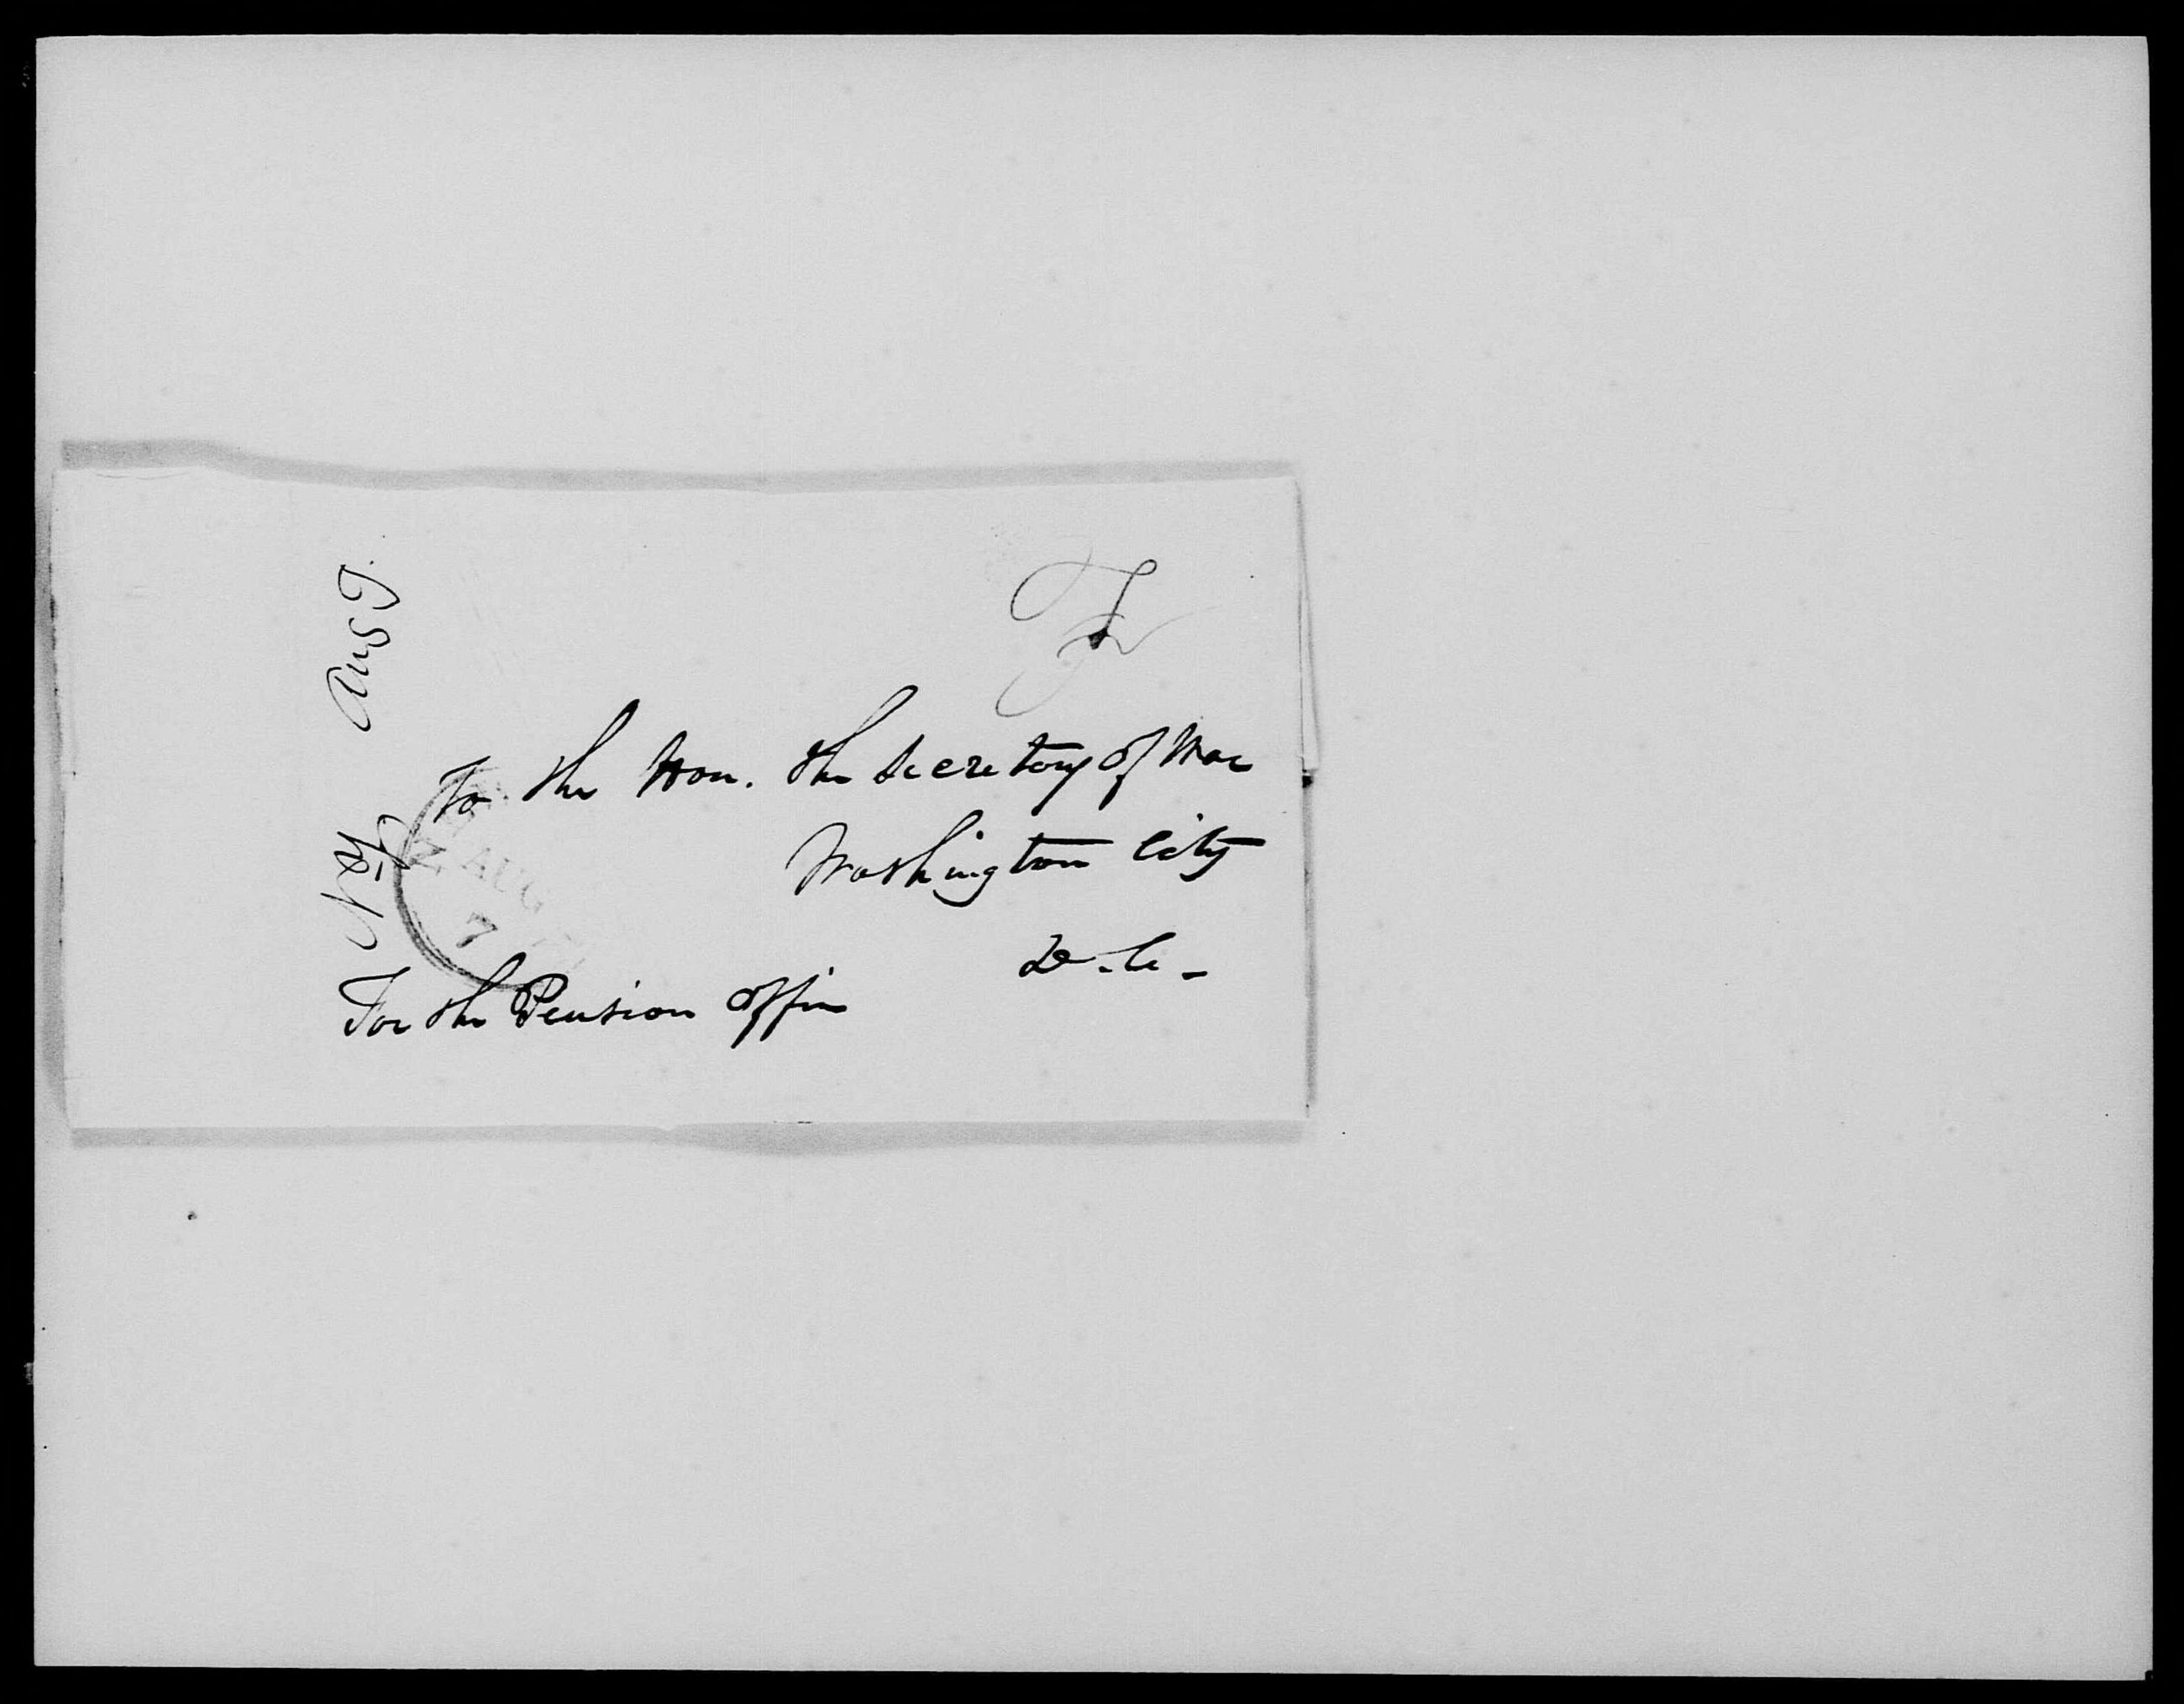Aus J.  
For to the Hon the Secretary of War  Washington City 
D.C.  
For the Pension Office  

[circular stamp] NEB [illegible] Aug 7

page: 29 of 39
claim: survivor's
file: S. 23802, for James Miner, Connecticut